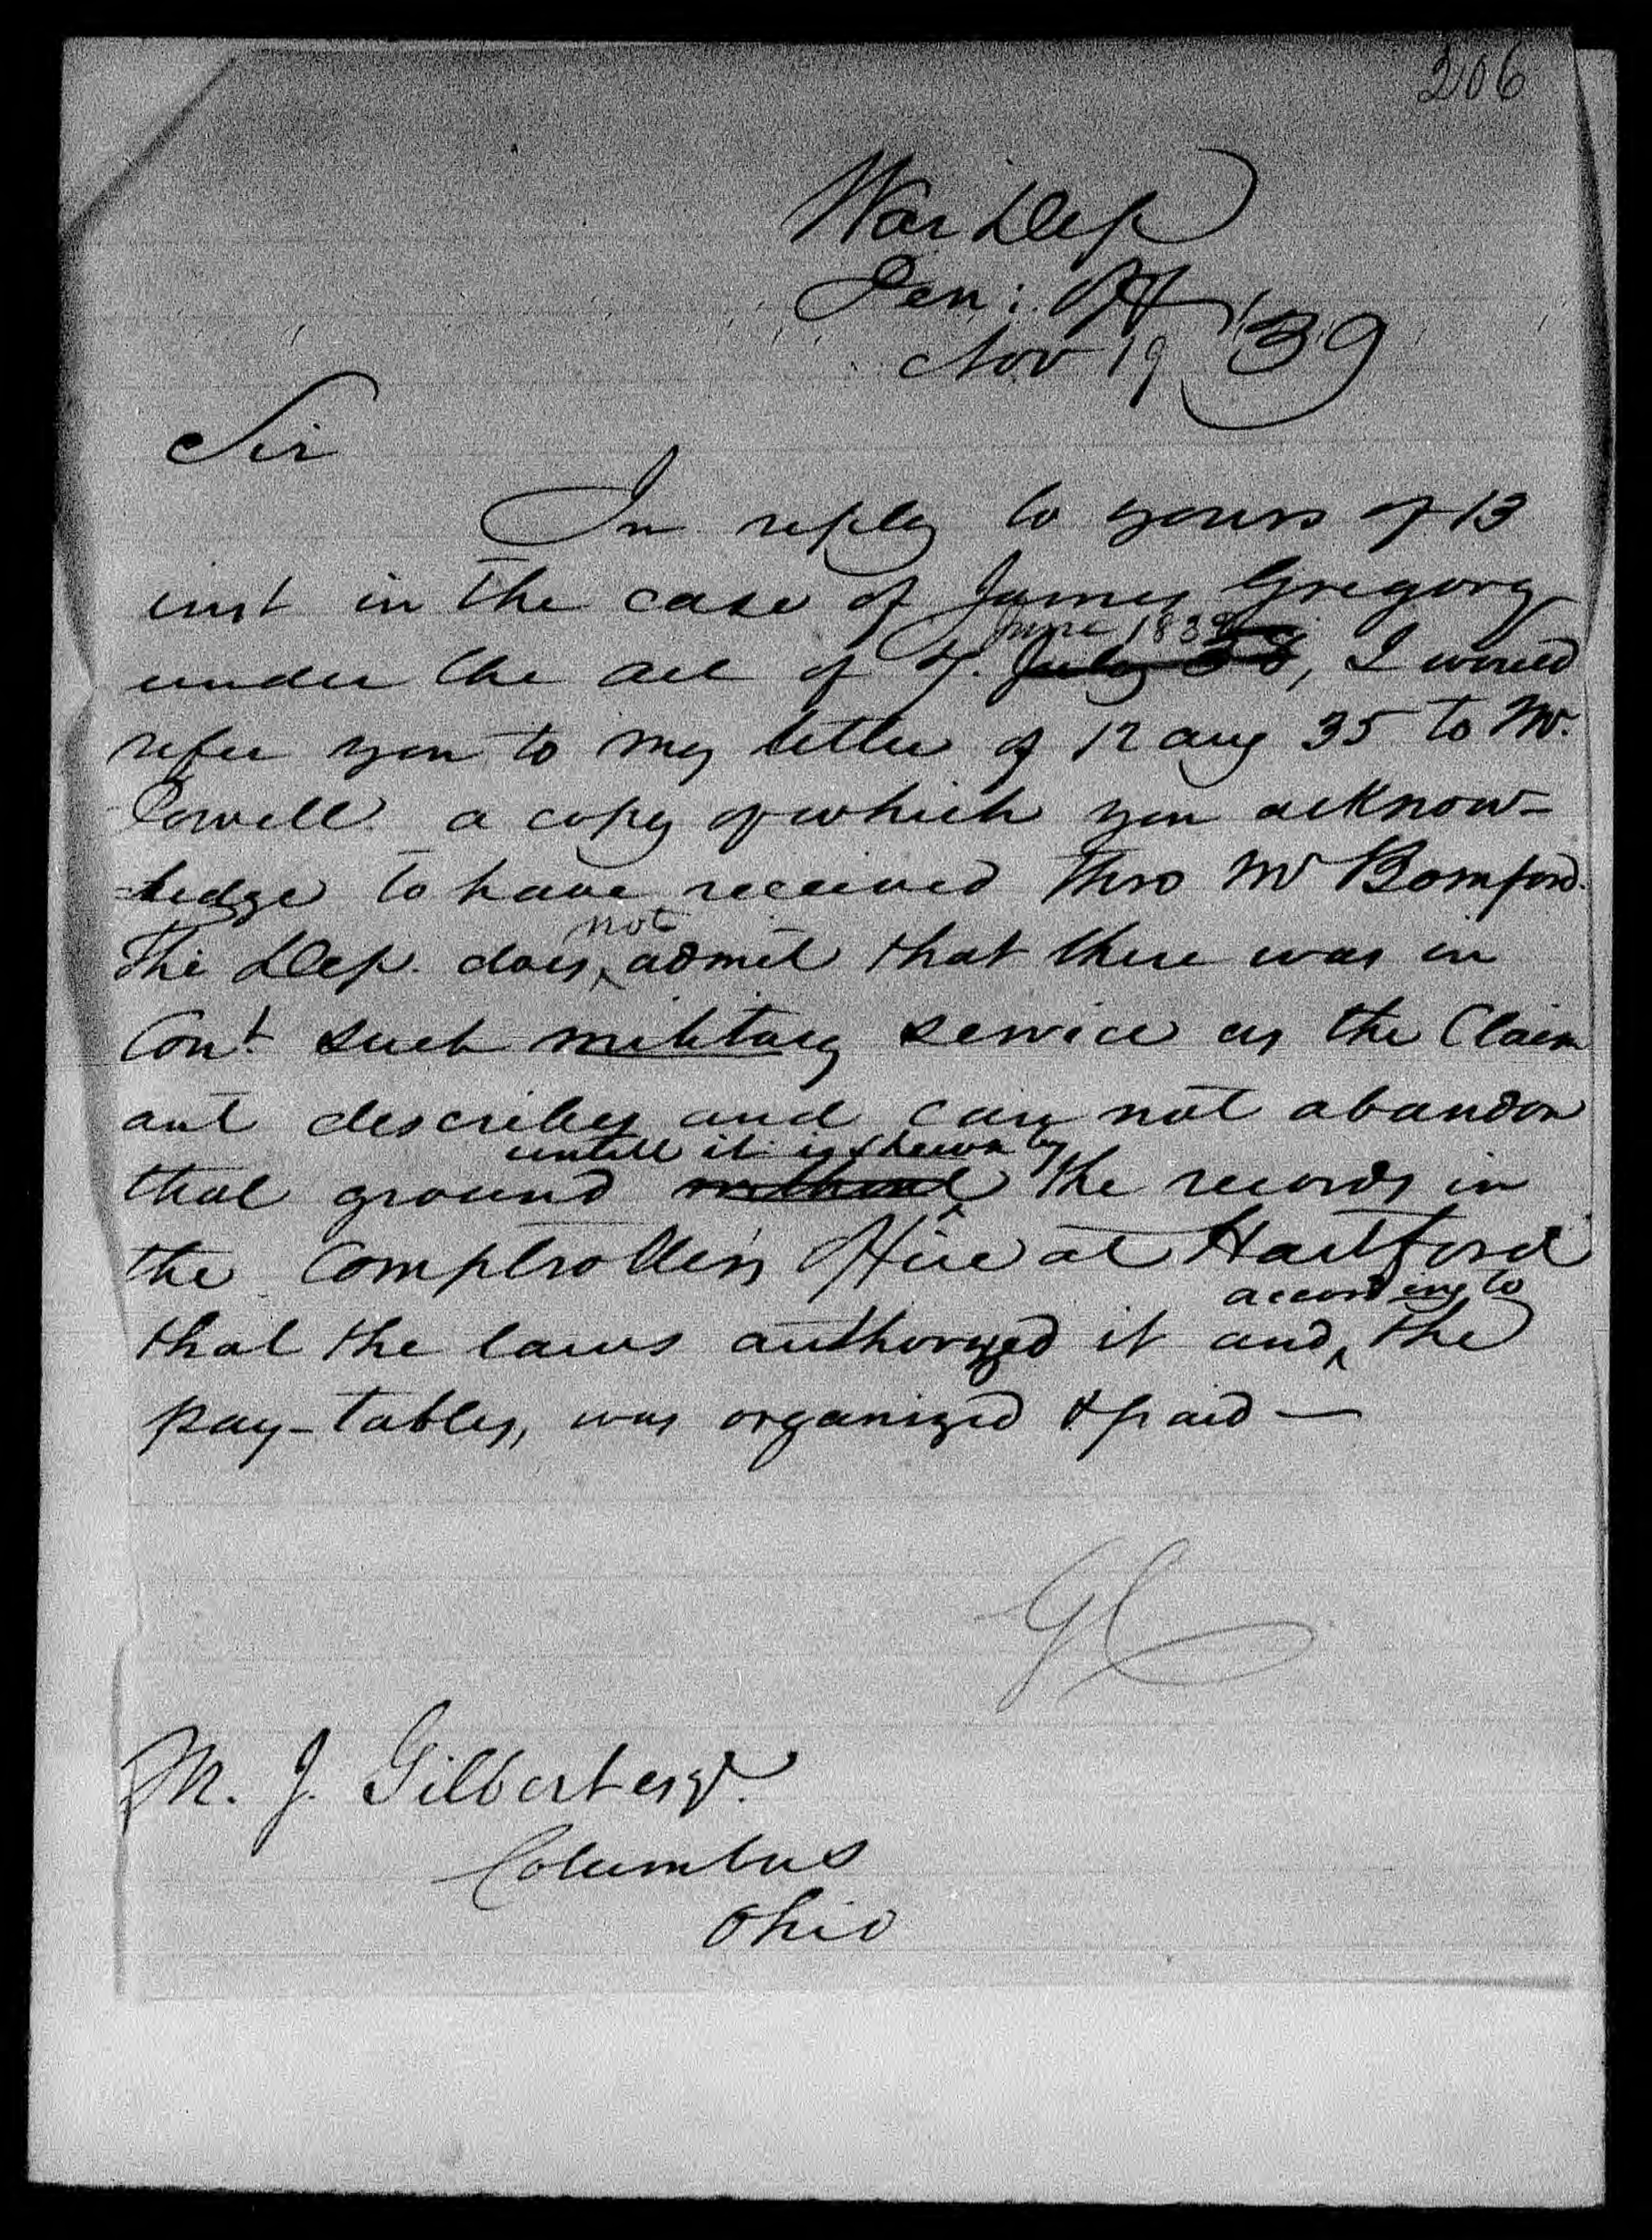War Dept
Pen Office
Nov 19 '39

Sir

In reply to yours of 13 inst in the case of James Gregory under the act of 7 June 1832, I would refer you to my letter of 12 Aug 35 to W. Powell a copy of which you acknowledged to have received thro W Bomford. The Dep does not admit that there was in Cont such military service as the claim and describes and can not abandon that ground untill it is shown by the records in the Comptroller's Office at Hartford that the laws authorized it and according to the pay-tables, was organized & paid.

GC

M.J. Gilbert Esq
Columbus
Ohio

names: James Gregory, Powell, Bomford, M J Gilbert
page: 26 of 27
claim: survivor's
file: S. 17445, James Gregory, Conn.